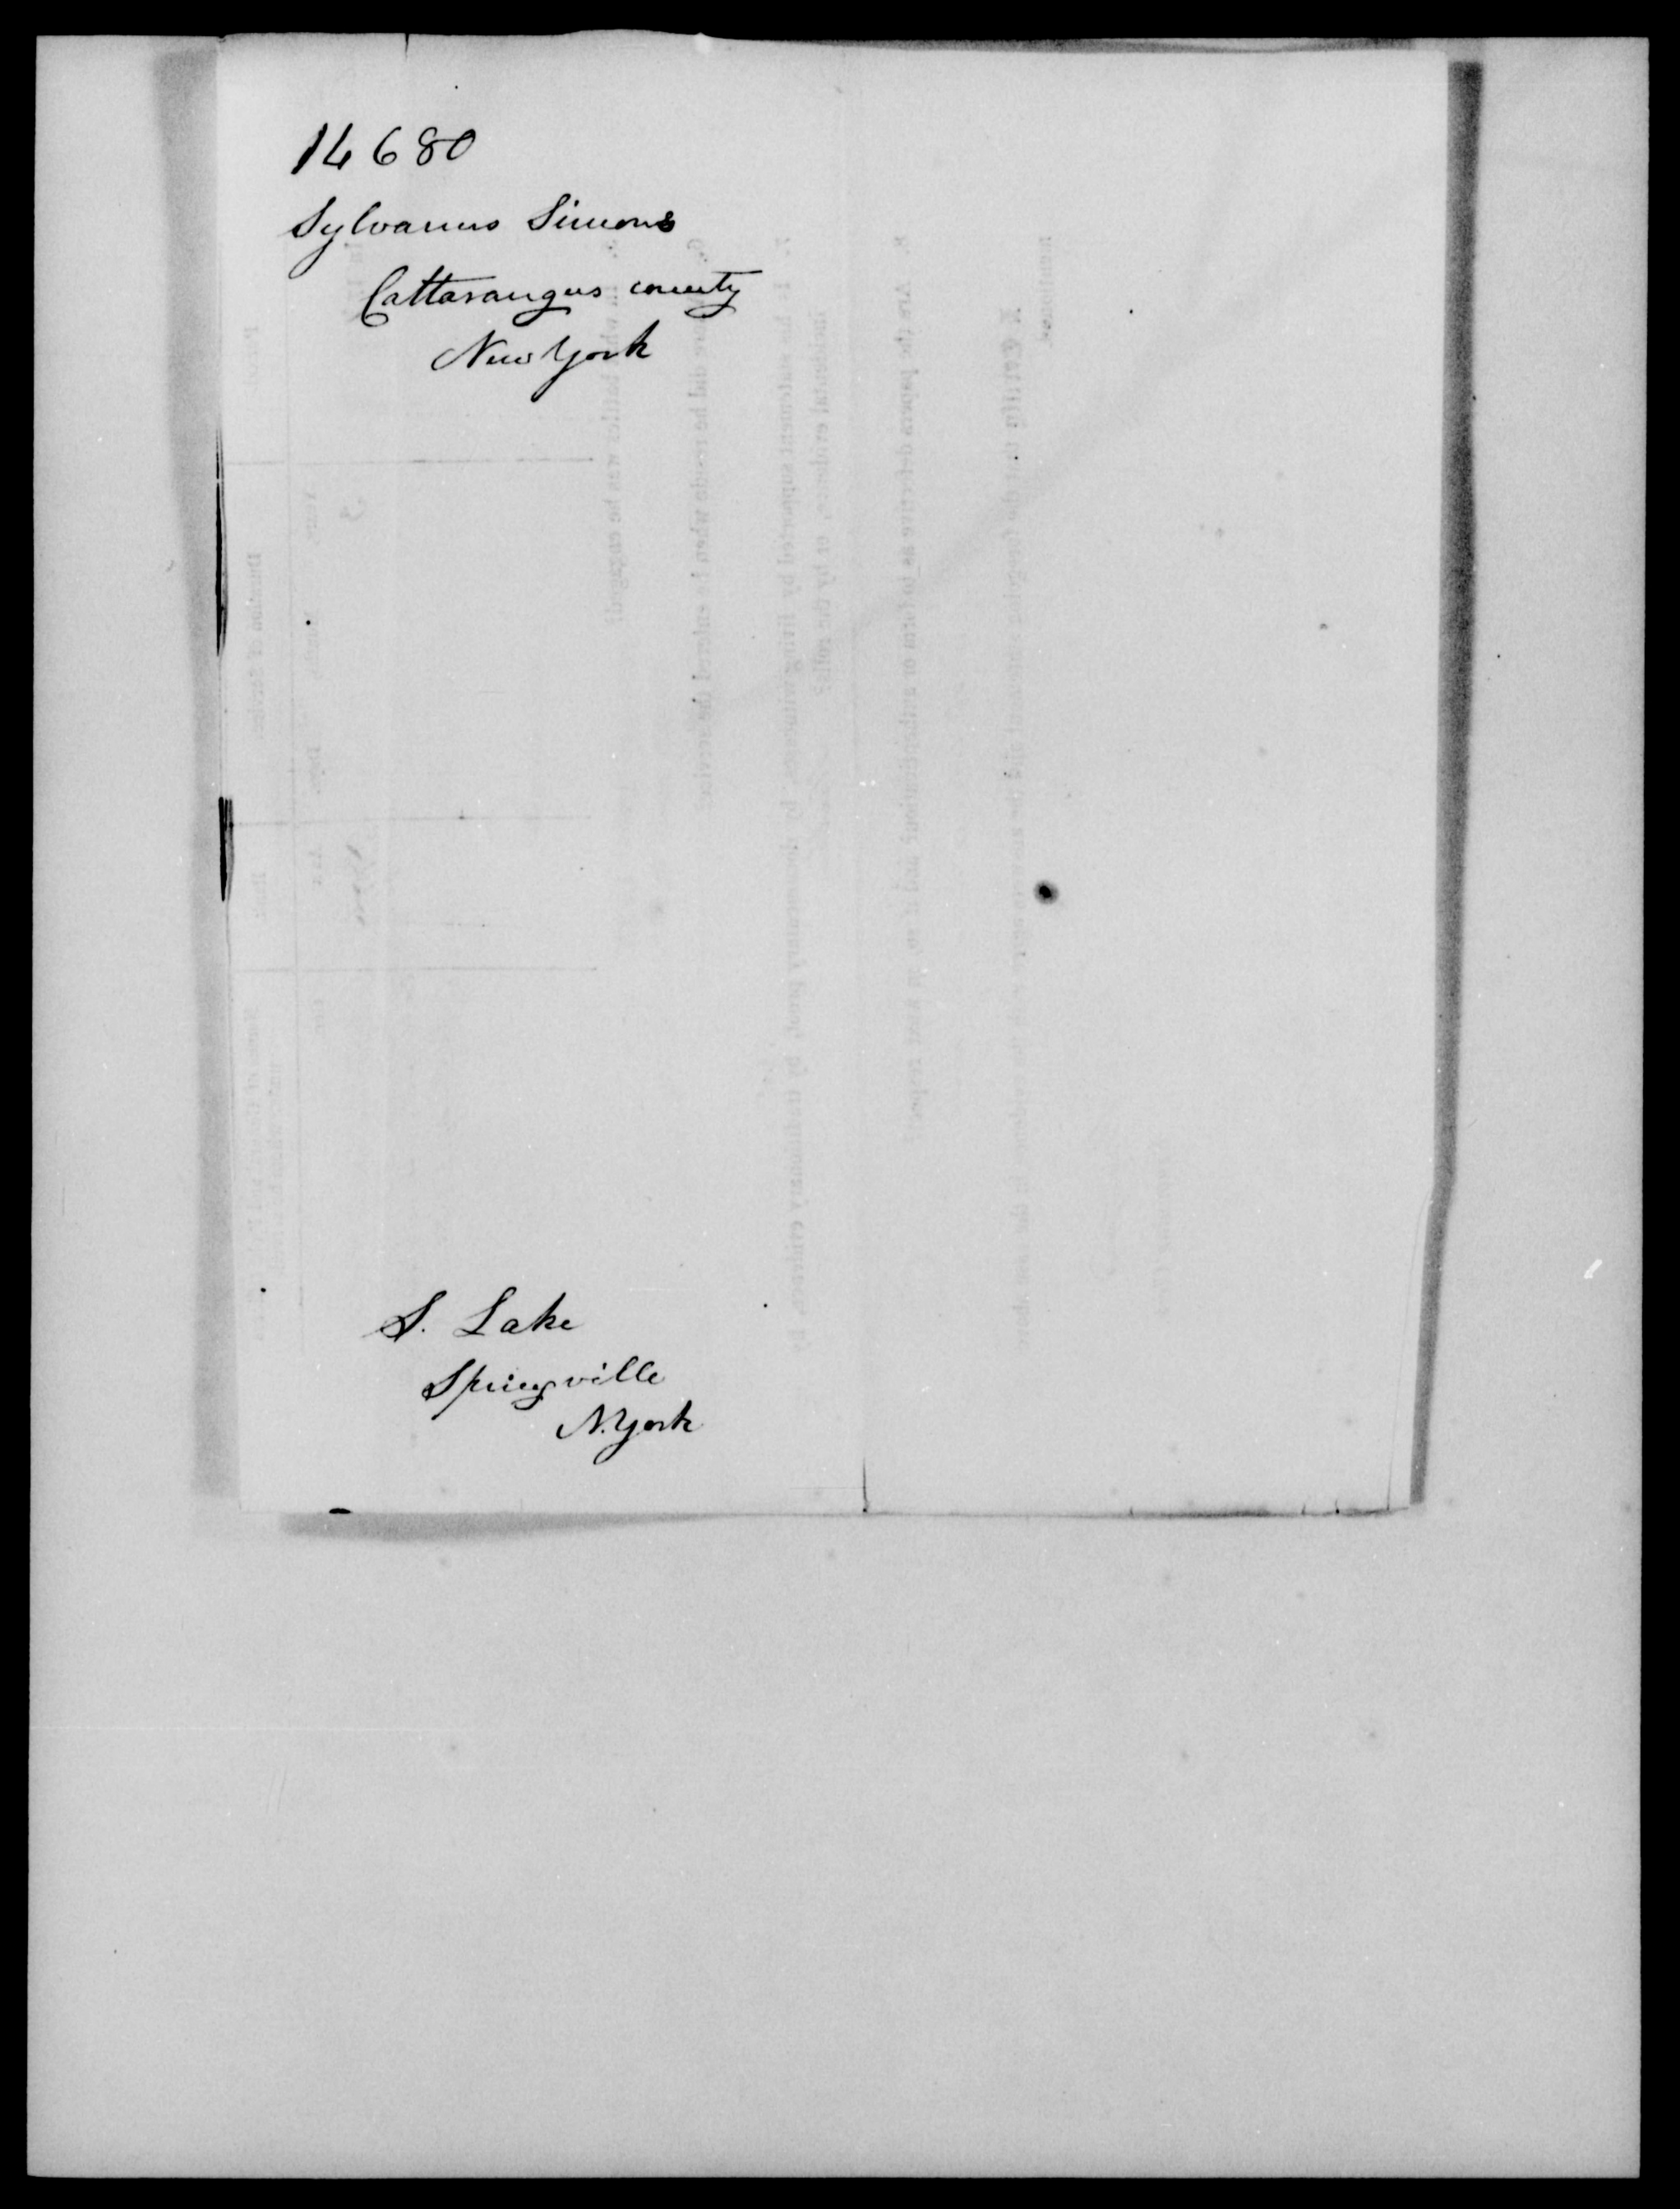14680
Sylvanus Simons
Cattaraugus county
New York

S. Lake
Springville
N. York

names: S Lake; Sylvanus Simons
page: 14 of 31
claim: survivor's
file: S. 14484, for Sylvanus Simmons, New York